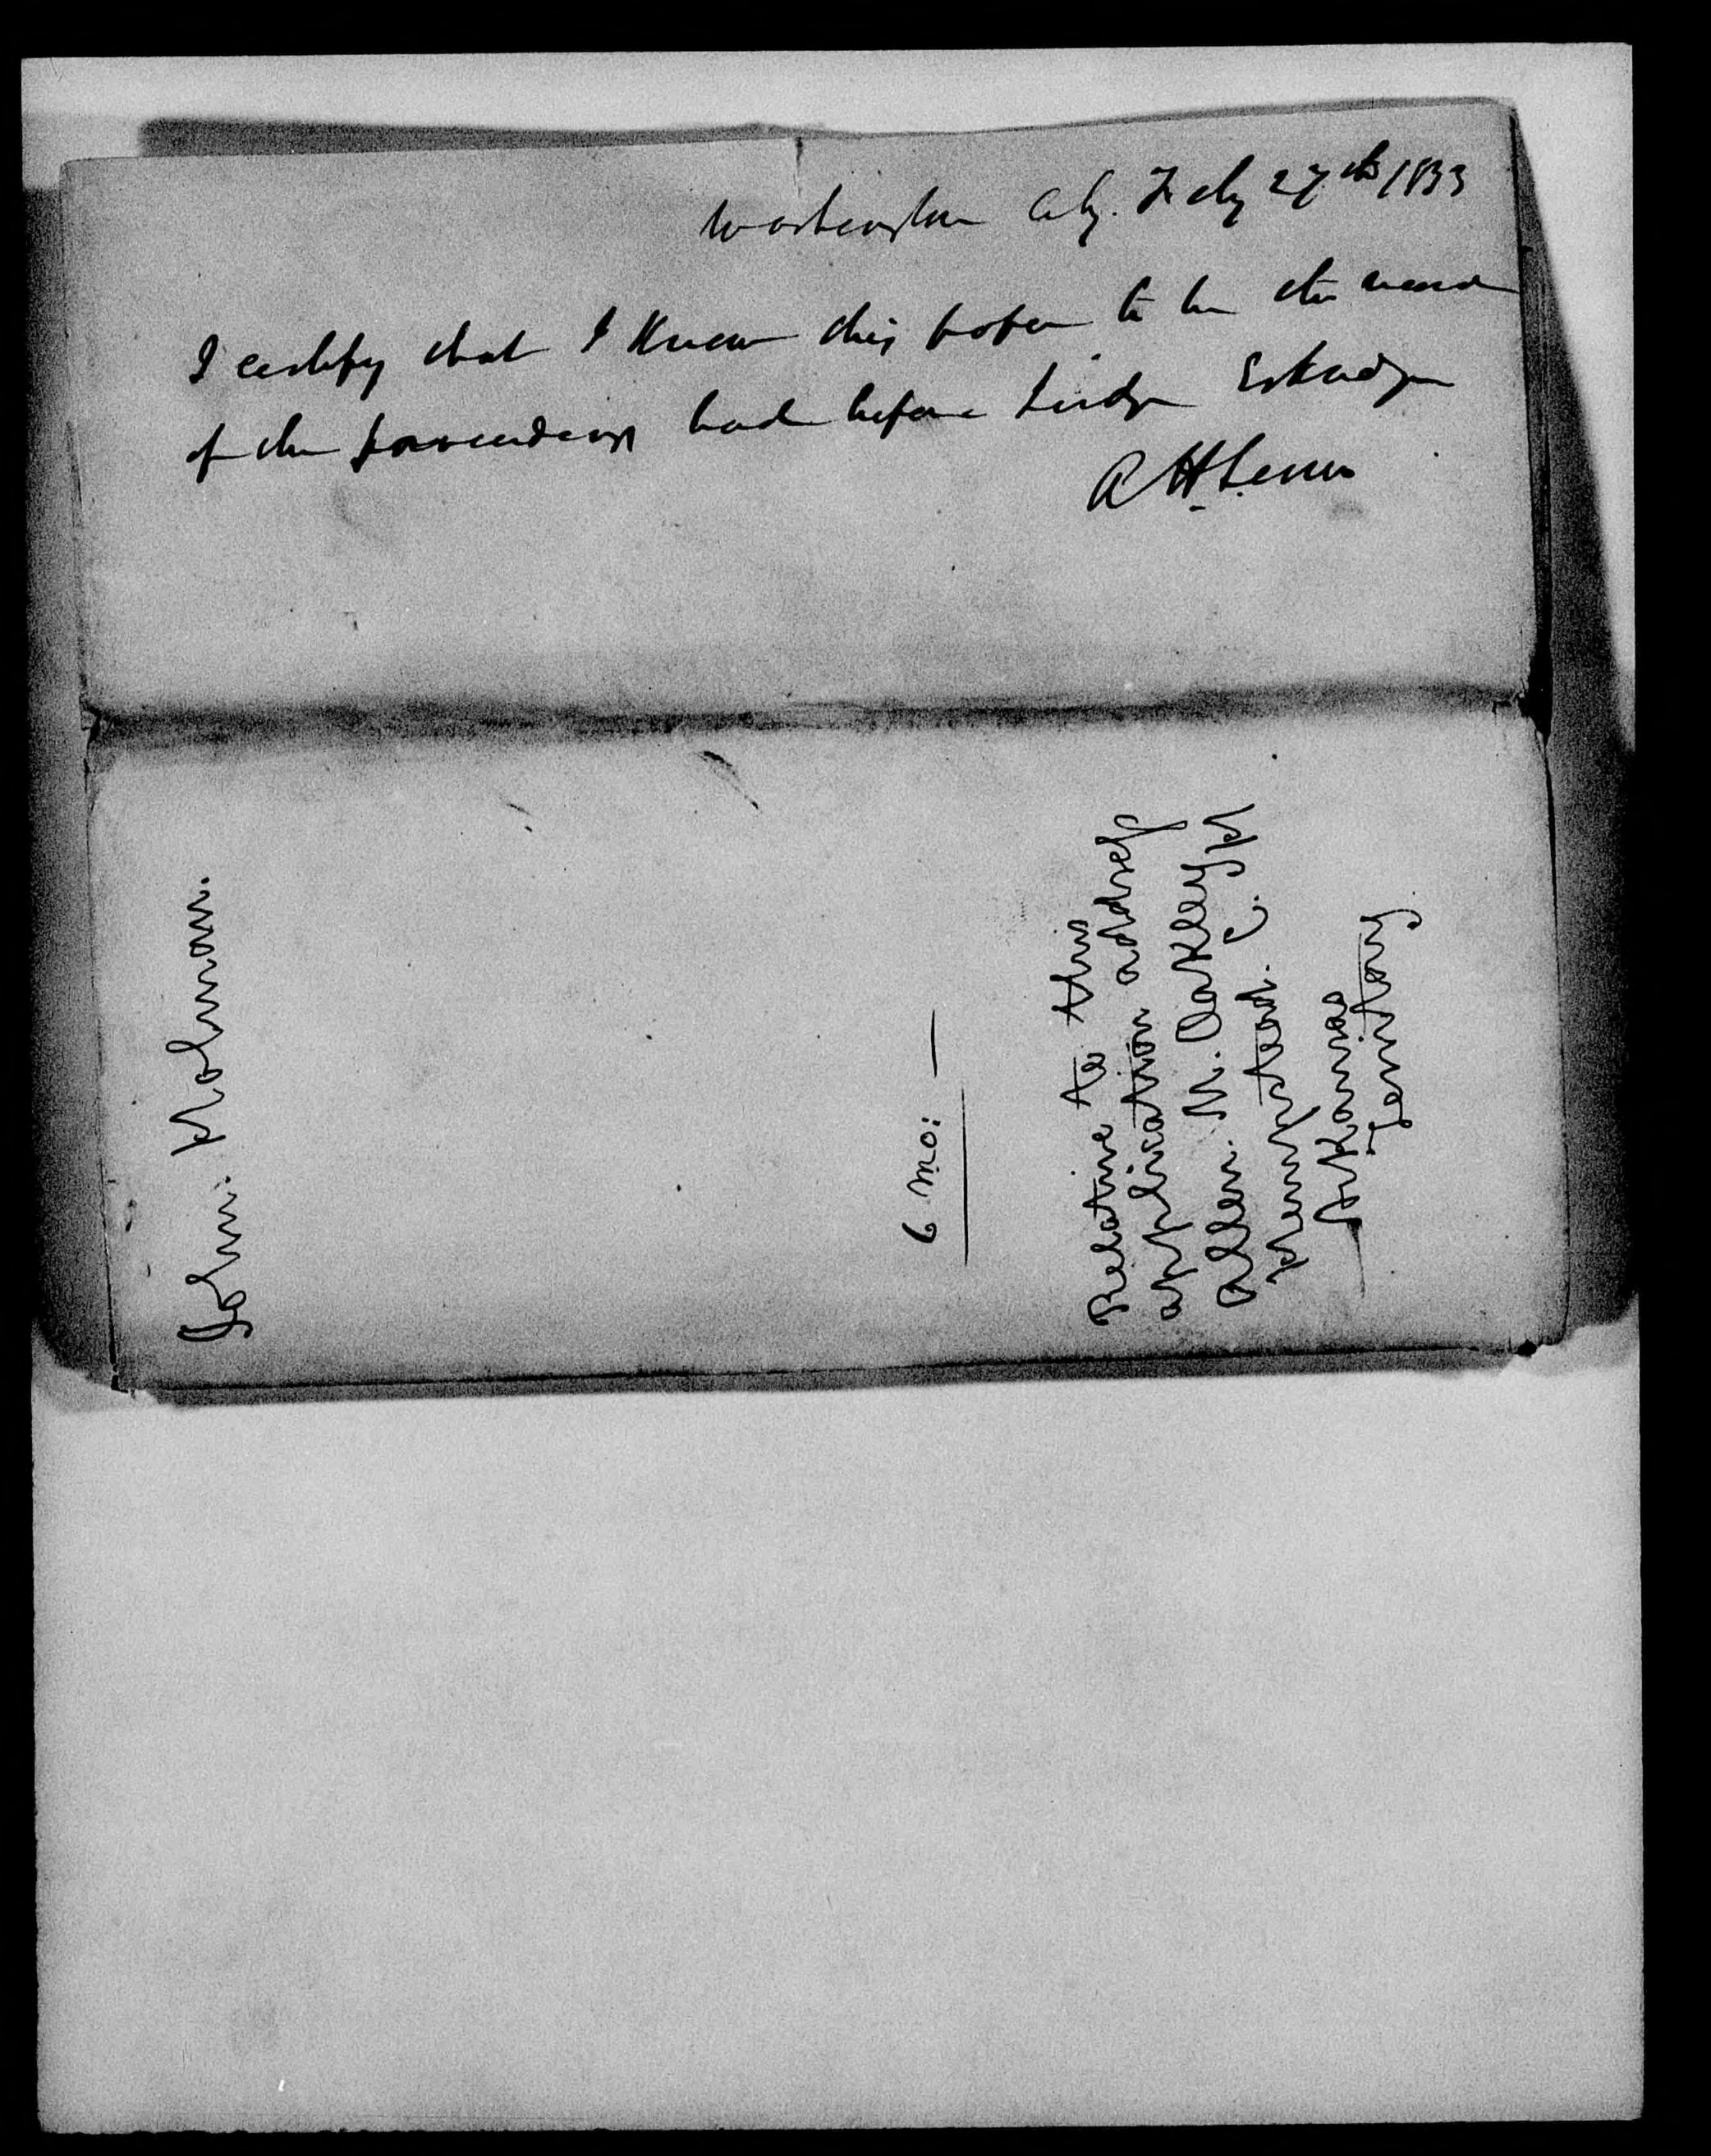[top of image]
Washington City Feb 27th 1833
I certify that I knew this paper to be the record 
of the proceedings had before Judge Eskridge.
A H Sevier
[lower page written vertically]
John Holman
6 mo:-
Relative to this application address 
Allen M. Oakley
Hempstead. C. M.
Arkansas Territory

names: A H Sevier, Allen M Oakley, John Holman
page: 13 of 30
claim: survivor's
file: S. 31753, John Holman, Va.